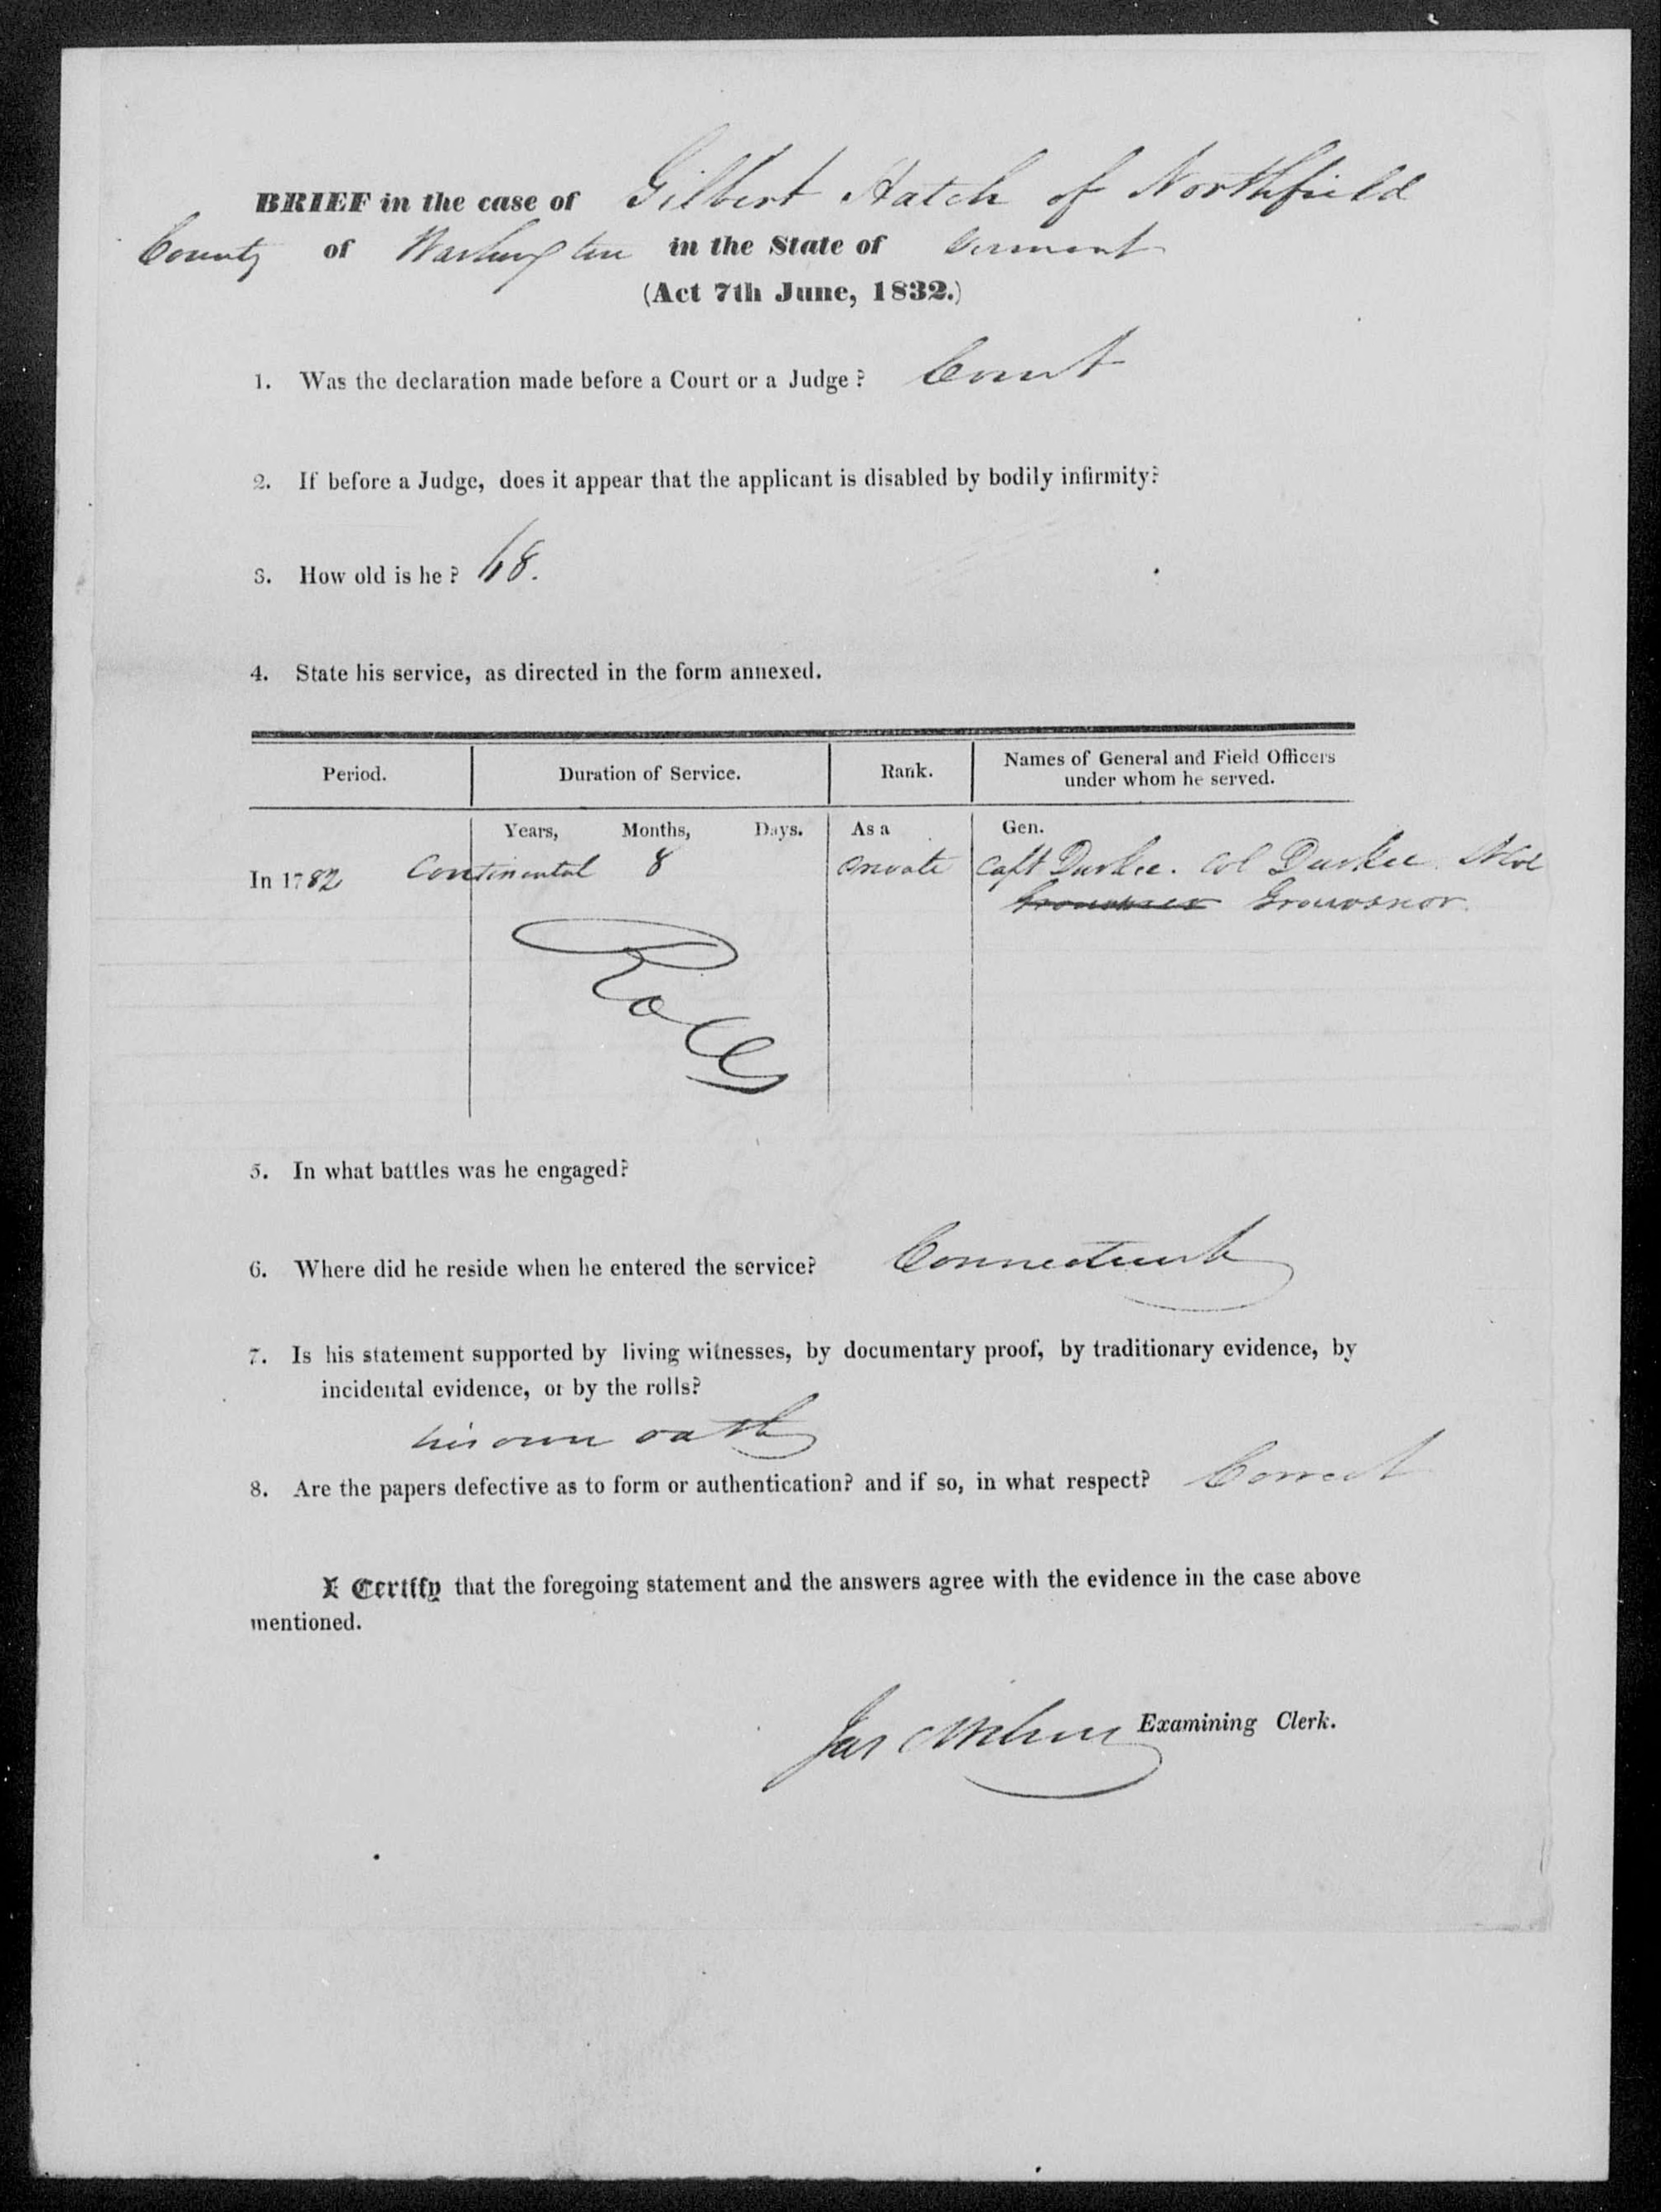BRIEF in the case of [handwritten: Gilbert Hatch of Northfield
County] of [handwritten: Washington] in the State of [handwritten: Vermont]
(Act 7th June, 1832.)

1. Was the declaration made before a Court or a Judge? [handwritten: Court]

2. If before a Judge, does it appear that the applicant is disabled by bodily infirmity? [blank]

3. How old is he? [handwritten: 68]

4. State his service, as directed in the form annexed.
[Column headings: "Period". "Duration of Service [sub-headings: Years, Months, Days]". "Rank [sub-heading: As a]". "Names of General and field Officers under whom he served [sub-heading: Gen.]"

Row 1. "In 1782" "Continental, 8, [blank]" "private" "Capt Durkee. Col Durkee L Col Grosvenor"

[written across column 2: Rolls]

5. In what battles was he engaged? [blank]

6. Where did he reside when he entered the service? [handwritten: Connecticut]

7. Is his statement supported by living witnesses, by documentary proof, by traditionary evidence, by incidental evidence, or by the rolls? [handwritten: his own oath]

8. Are the papers defective as to form or authentication? and if so, in what respect? [handwritten: Correct]

* certify that the foregoing statement and the answers agree with the evidence in the case above mentioned.

[illegible signature] Examining Clerk.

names: Durkee, Jas Wilson, Grovesner, Durkee, Gilbert Hatch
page: 16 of 47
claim: widow's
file: W. 225, Gilbert Hatch, Conn.